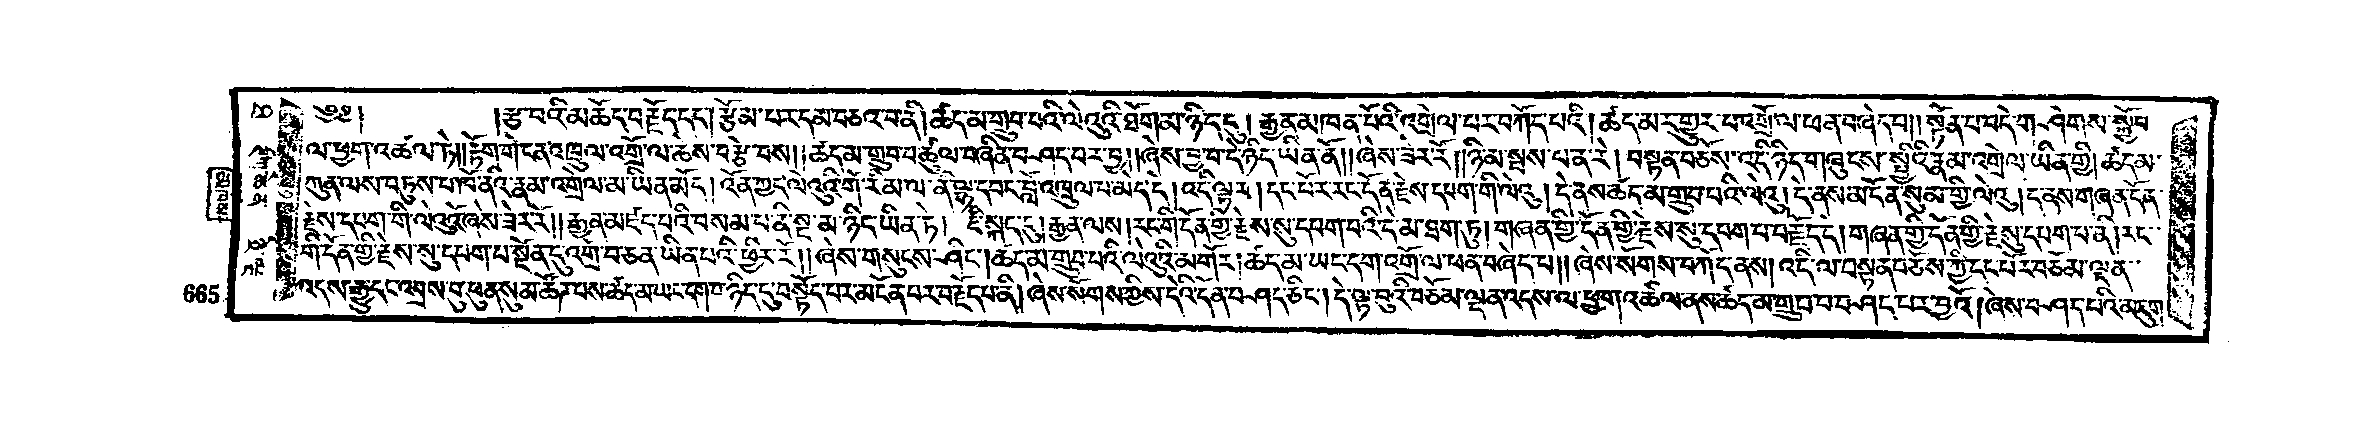༄༅། །རྩ་བའི་མཆོད་བརྗོད་དང་། རྩོམ་པར་དམ་བཅའ་བ་ནི། ཚད་མ་གྲུབ་པའི་ལེའུའི་ཐོག་མ་ཉིད་དུ། རྒྱན་མཁན་པོའི་འགྲེལ་པར་བཀོད་པའི། ཚད་མར་གྱུར་པ་འགྲོ་ལ་ཕན་བཞེད་པ། །སྟོན་པ་བདེ་གཤེགས་སྐྱོབ་
ལ་ཕྱག་འཚལ་ཏེ། །རྟོག་གེ་ངན་འཁྲུལ་འགྲོ་ལ་ཆེས་བརྩེ་བས། །ཚད་མ་གྲུབ་པ་ཚུལ་བཞིན་བཤད་པར་བྱ། །ཞེས་བྱ་བ་དེ་ཉིད་ཡིན་ནོ། །ཞེས་ཟེར་རོ། །ཉི་མ་སྦས་པ་ན་རེ། བསྟན་བཅོས་འདི་ཉིད་གཞུངས་སྤྱིའི་རྣམ་འགྲེལ་ཡིན་གྱི། ཚད་མ་
ཀུན་ལས་བཏུས་པ་ཁོ་ནའི་རྣམ་འགྲེལ་མ་ཡིན་མོད། འོན་ཀྱང་ལེའུའི་གོ་རིམ་ལ་ནི་ལྷ་དབང་བློ་འཁྲུལ་པ་མེད་དེ། འདི་ལྟར། དང་པོར་རང་དོན་རྗེས་དཔག་གི་ལེའུ། དེ་ནས་ཚད་མ་གྲུབ་པའི་ལེའུ། དེ་ནས་མངོན་སུམ་གྱི་ལེའུ། དེ་ནས་གཞན་དོན་
རྗེས་དཔག་གི་ལེའུའོ་ཞེས་ཟེར་རོ། །རྒྱན་མཛད་པའི་བསམ་པ་ནི་སྔ་མ་ཉིད་ཡིན་ཏེ། ཇི་སྐད་དུ། རྒྱན་ལས། རང་གི་དོན་གྱི་རྗེས་སུ་དཔག་པའི་དེ་མ་ཐག་ཏུ། གཞན་གྱི་དོན་གྱི་རྗེས་སུ་དཔག་པ་བརྗོད་དེ། གཞན་གྱི་དོན་གྱི་རྗེས་སུ་དཔག་པ་ནི། རང་
གི་དོན་གྱི་རྗེས་སུ་དཔག་པ་སྔོན་དུ་འགྲོ་བ་ཅན་ཡིན་པའི་ཕྱིར་རོ། །ཞེས་གསུངས་ཤིང་། ཚད་མ་གྲུབ་པའི་ལེའུའི་མགོར། ཚད་མ་ཡང་དག་འགྲོ་ལ་ཕན་བཞེད་པ། །ཞེས་སོགས་བཀོད་ནས། འདི་ལ་བསྟན་བཅོས་ཀྱི་དང་པོར་བཅོམ་ལྡན་
འདས་རྒྱུ་དང་འབྲས་བུ་ཕུན་སུམ་ཚོགས་པས་ཚད་མ་ཡང་དག་པ་ཉིད་དུ་བསྟོད་པར་མངོན་པར་བརྗོད་པ་ནི། ཞེས་སོགས་ཀྱིས་དེའི་དོན་བཤད་ཅིང་། དེ་ལྟ་བུའི་བཅོམ་ལྡན་འདས་ལ་ཕྱག་འཚལ་ནས་ཚད་མ་གྲུབ་པ་བཤད་པར་བྱའོ། ཞེས་བཤད་པའི་མཇུག་